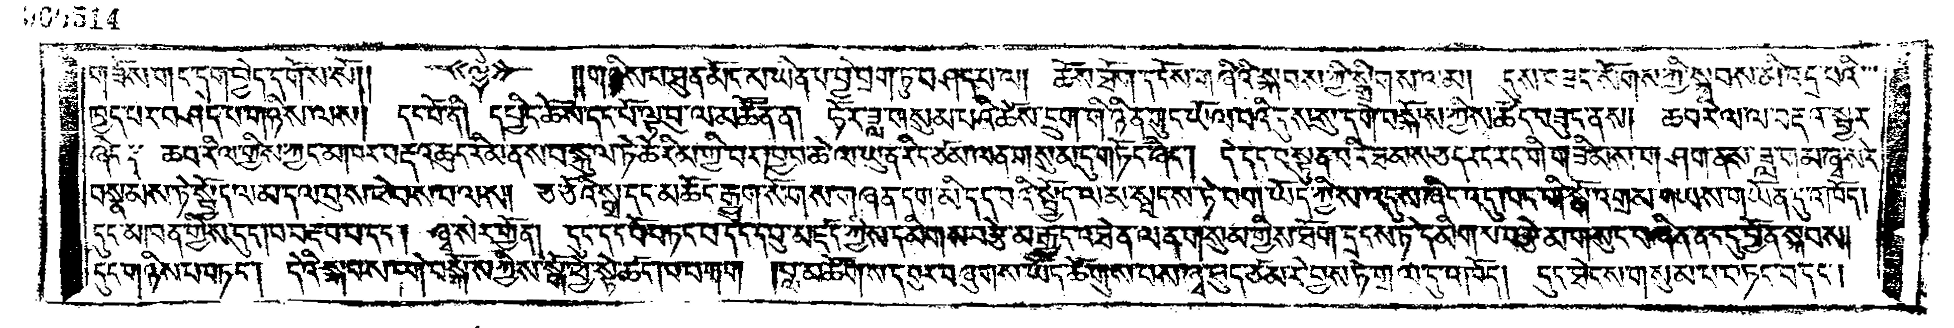གཟོས་གང་དྲག་བྱེད་དགོས་སོ།། ༈ །།གཉིས་པ་ཐུན་མོང་མ་ཡིན་པ་བྱེ་བྲག་ཏུ་བཤད་པ་ལ། ཆོས་ཐོག་དངོས་གཞིའི་སྐབས་ཀྱི་སྒྲིགས་ལམ། དུས་བཟང་སོགས་ཀྱི་སྐབས་མི་འདྲ་བའི་
ཁྱད་པར་བཤད་པ་གཉིས་ལས། དང་པོ་ནི། དཔྱིད་ཆོས་དང་པོ་ལྟ་བུ་ལ་མཚོན་ན། ཧོར་ཟླ་གསུམ་པའི་ཚེས་དྲུག་གི་ཉིན་གུང་ཡོལ་བའི་དུས་སུ་དགེ་བསྐོས་ཀྱིས་ཚོད་བཟུང་ནས། ཆབ་རིལ་ལ་བརྡའ་སྦྱར་
ཞིང༑ ཆབ་རིལ་གྱིས་ཀྱང་མཁར་བརྡའ་ཆུང་རིམ་ནས་བསྐུལ་ཏེ་ཆེ་རིམ་གྱི་བར་ཁྱབ་ཆེ་ལ་ཡུན་རིང་ཙམ་ལན་གསུམ་དུ་གཏོང་ཞིང་། དེ་དང་བསྟུན་པའི་ཐམས་ཅད་རང་རང་གི་གཟིམས་གཤག་ནས་ཟླ་གམ་ཞྭ་སེར་
བསྣམས་ཏེ་སྤྱོད་ལམ་དལ་བུས་ཕེབས་པ་ལས། ཅ་ཅོའི་སྒྲ་དང་མཆོད་རྒྱུག་སོགས་གཞན་དག་མི་དད་པའི་སྤྱོད་ལམ་སྤངས་ཏེ་བག་ཡོད་ཀྱིས་འདུས་ཞིང་འདུ་ཁང་གི་སྒོ་འགྲམ་གཡས་གཡོན་དུ་འཁོད།
དུང་མཁན་གྱིས་དུང་ཁ་བརྡབ་པ་དང་། ཞྭ་སེར་གྱོན། དུང་དང་པོ་བཏང་བ་དང་དབུ་མཛད་ཀྱིས་དམིགས་བརྩེ་མ་རྒྱད་འཐེན་ལན་གསུམ་གྱིས་ཐོག་དྲངས་ཏེ་དམིགས་བརྩེ་མ་གསུང་བཞིན་ནང་དུ་བྱོན་སྐབས།
དུང་གཉིས་པ་བཏང་། དེའི་སྐབས་དགེ་བསྐོས་ཀྱིས་སྒོ་ཕྱེ་སྟེ་ཚང་ཁ་བཀག །བླ་མ་ཚོགས་དབུར་བཞུགས་ཡོད་ཚེ་གུས་པས་ཞྭ་ཕུད་ཙམ་རེ་བྱས་ཏེ་གྲལ་དུ་འཁོད། དུང་ཐེངས་གསུམ་པ་བཏང་བ་དང་།